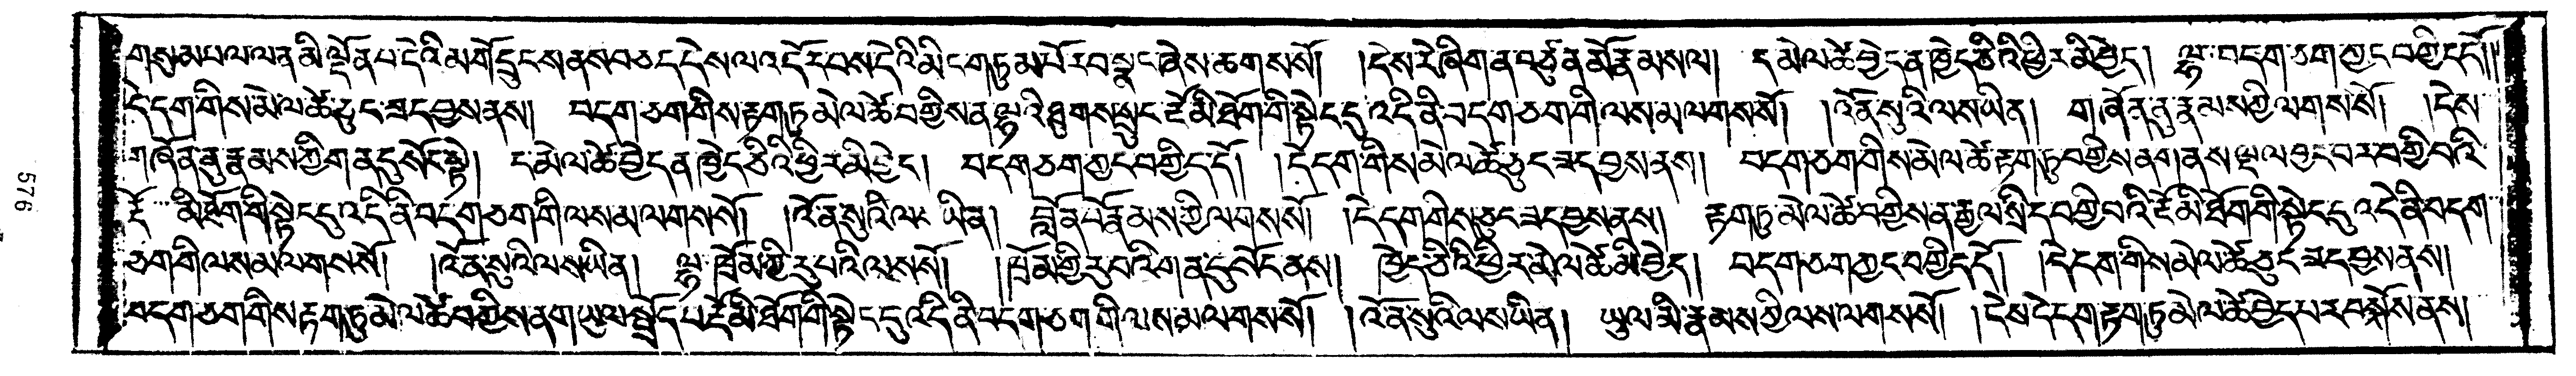གསུམ་པ་ལ་ལན་མི་ལྡོན་པ་དེའི་མགོ་དྲུངས་ནས་བཅད་དེས་ལ་འདོར་བས་དེའི་མིང་གཏུམ་པོ་རབ་སྣང་ཞེས་ཆགས་སོ། །དེས་རེ་ཞིག་ན་བཙུན་མོ་རྣམས་ལ། ད་མེལ་ཚེ་བྱེད་ན་ཁྱེད་ཅིའི་ཕྱིར་མི་བྱེད། ལྷ་བདག་ཅག་ཀྱང་བགྱིད་དོ།།
དེ་དག་གིས་མེ་ལ་ཚེ་ཅུང་ཟད་བྱས་ནས། བདག་ཅག་གིས་རྟག་ཏུ་མེལ་ཚེ་བགྱིས་ན་ལྷའི་ཐུགས་སྲུང་རྔོ་མི་ཐོག་གི་སྟེང་དུ་འདི་ནི་བདག་ཅག་གི་ལས་མ་ལགས་སོ། །འོན་སུའི་ལས་ཡིན། གཞོན་ནུ་རྣམས་ཀྱི་ལགས་སོ། །དེས་
གཞོན་ནུ་རྣམས་ཀྱི་གན་དུ་སོང་སྟེ། ད་མེལ་ཚེ་བྱེད་ན་ཁྱེད་ཅིའི་ཕྱིར་མི་བྱེད། བདག་ཅག་ཀྱང་བགྱིད་དོ། །དེ་དག་གིས་མེལ་ཚེ་ཅུང་ཟད་བྱས་ནས། བདག་ཅག་གིས་མེལ་ཚེ་རྟག་ཏུ་བགྱིས་ན་གནས་ལྔ་ལ་བྱང་བར་བགྱི་བའི་
རྡོ་མི་ཐོག་གི་སྟེང་དུ་འདི་ནི་བདག་ཅག་གི་ལས་མ་ལགས་སོ། །འོ་ན་སུའི་ལས་ཡིན། བློན་པོ་རྣམས་ཀྱི་ལགས་སོ། །དེ་དག་གིས་ཅུང་ཟད་བྱས་ནས། རྟག་ཏུ་མེལ་ཚེ་བགྱིས་ན་རྒྱལ་སྲིད་བགྱི་བའི་རྔོ་མི་ཐོག་གི་སྟེང་དུ་འདེ་ནི་བདག་
ཅག་གི་ལས་མ་ལགས་སོ། །འོ་ན་སུའི་ལས་ཡིན། ལྷ་ཁྲོམ་གྱི་རུ་བའི་ལས་སོ། །ཁྲོམ་གྱི་རུ་བའི་གན་དུ་སོང་ནས། ཁྱེད་ཅིའི་ཕྱིར་མེལ་ཚེ་མི་བྱེད། བདག་ཅག་ཀྱང་བགྱིད་དོ། །དེ་དག་གིས་མེལ་ཚེ་ཅུང་ཟད་བྱས་ནས།
བདག་ཅག་གིས་རྟག་ཏུ་མེལ་ཚེ་བགྱིས་ན་གཡུལ་སྤྲོད་པ་རྡོ་མི་ཐོག་གི་སྟེང་དུ་འདི་ནི་བདག་ཅག་གི་ལས་མ་ལགས་སོ། །འོ་ན་སུའི་ལས་ཡིན། ཡུལ་མི་རྣམས་ཀྱི་ལས་ལགས་སོ། །དེས་དེ་དག་རྟག་ཏུ་མེལ་ཚེ་བྱེད་པར་བསྐོས་ནས།